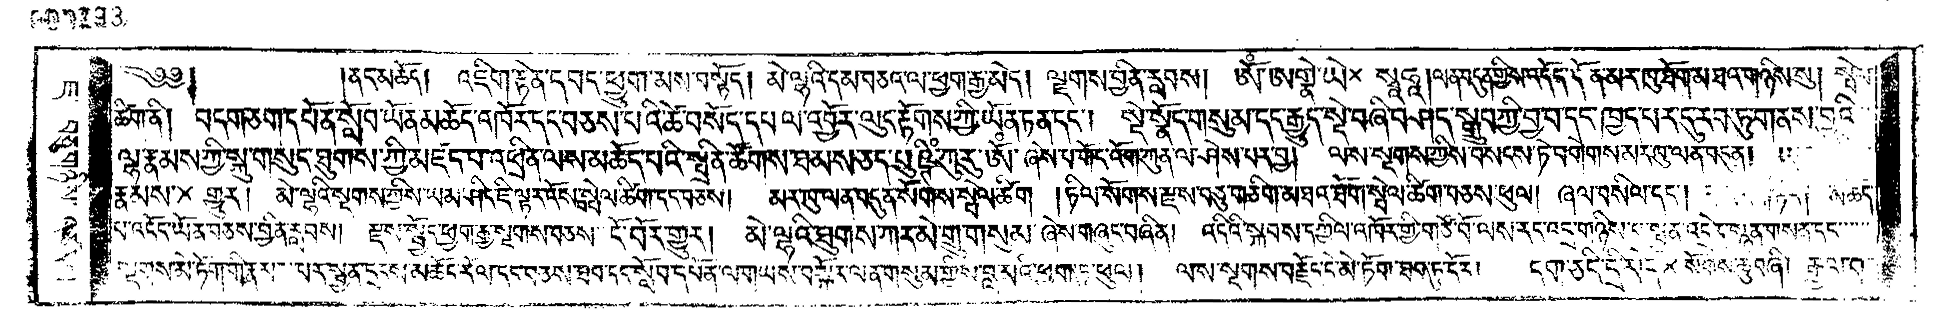༄༅། །ནང་མཆོད། འཇིག་རྟེན་དབང་ཕྱུག་མས་བསྟོད། མེ་ལྷའི་དམ་བཅའ་ལ་ཕྱག་རྒྱ་མེད། ལྗགས་བྱིན་རླབས། ཨོཾ་ཨགནེ་ཡེ྾་སྭཱ་ཧཱ། ལན་བདུན་གྱིས་འདོད་དོན་མར་ཁུ་ཐོག་མཐའ་གཉིས་སུ། སྤེལ་
ཚིག་ནི། བདག་ཅག་དཔོན་སློབ་ཡོན་མཆོད་འཁོར་དང་བཅས་པའི་ཚེ་བསོད་དཔལ་འབྱོར་ལུང་རྟོགས་ཀྱི་ཡོན་ཏན་དང་། སྡེ་སྣོད་གསུམ་དང་རྒྱུད་སྡེ་བཞི་བཤད་སྒྲུབ་ཀྱི་བྱ་བ་དང་ཁྱད་པར་དུ་རབ་ཏུ་གནས་བྱའི་
ལྷ་རྣམས་ཀྱི་སྐུ་གསུང་ཐུགས་ཀྱི་མཛད་པ་འཕྲིན་ལས་མཆོད་པའི་སྤྲིན་ཚོགས་ཐམས་ཅད་པུཥྚིཾ་ཀུ་རུ་ཨོཾ་ཞེས་པ་གོང་འོག་ཀུན་ལ་ཤེས་པར་བྱ། ལས་སྔགས་ཀྱིས་བསངས་ཏེ་བགེགས་མར་ཁུ་ལན་བདུན།  ཡམ་ཤིང་
རྣམས྾་གྱུར། མེ་ལྷའི་སྔགས་ཀྱིས་ཡམ་ཤིང་ཇི་ལྟར་འོས་པ་སྤེལ་ཚིག་དང་བཅས། མར་ཁུ་ལན་བདུན་སོགས་སྤེལ་ཚིག །ཏིལ་སོགས་རྫས་བཅུ་གཅིག་མཐའ་ཐོག་སྤེལ་ཚིག་བཅས་ཕུལ།  ཞལ་བསིལ་དང་། བསང་གཏོར། མཆོད་
པ་འདོད་ཡོན་བཅས་བྱིན་རླབས། རྫས་སྦྱོང་ཕྱག་རྒྱ་སྔགས་བཅས་ངོ་བོར་གྱུར། མེ་ལྷའི་ཐུགས་ཀར་མེ་གྲུ་གསུམ་ཞེས་གཞུང་བཞིན། འདིའི་སྐབས་དཀྱིལ་འཁོར་གྱི་གཙོ་བོ་ལས་རང་འདྲ་གཉིས་པ་སྤྱན་འདྲེན་སྙན་གསན་དང་
སྔགས་མེ་ཏོག་གི་རྣམ་པར་སྤྱན་དྲངས་མཆོད་རོལ་དང་བཅས་ཐབ་དང་སློབ་དཔོན་ལ་གཡས་བསྐོར་ལན་གསུམ་གྱིས་བླ་མའི་ཕྱག་ཏུ་ཕུལ། ལས་སྔགས་བརྗོད་དེ་མེ་ཏོག་ཐབ་ཏུ་དོར། དག་ཅིང་དྲི་མེད྾་སོགས་ཆུ་བཞི།  རྒྱལ་བ་